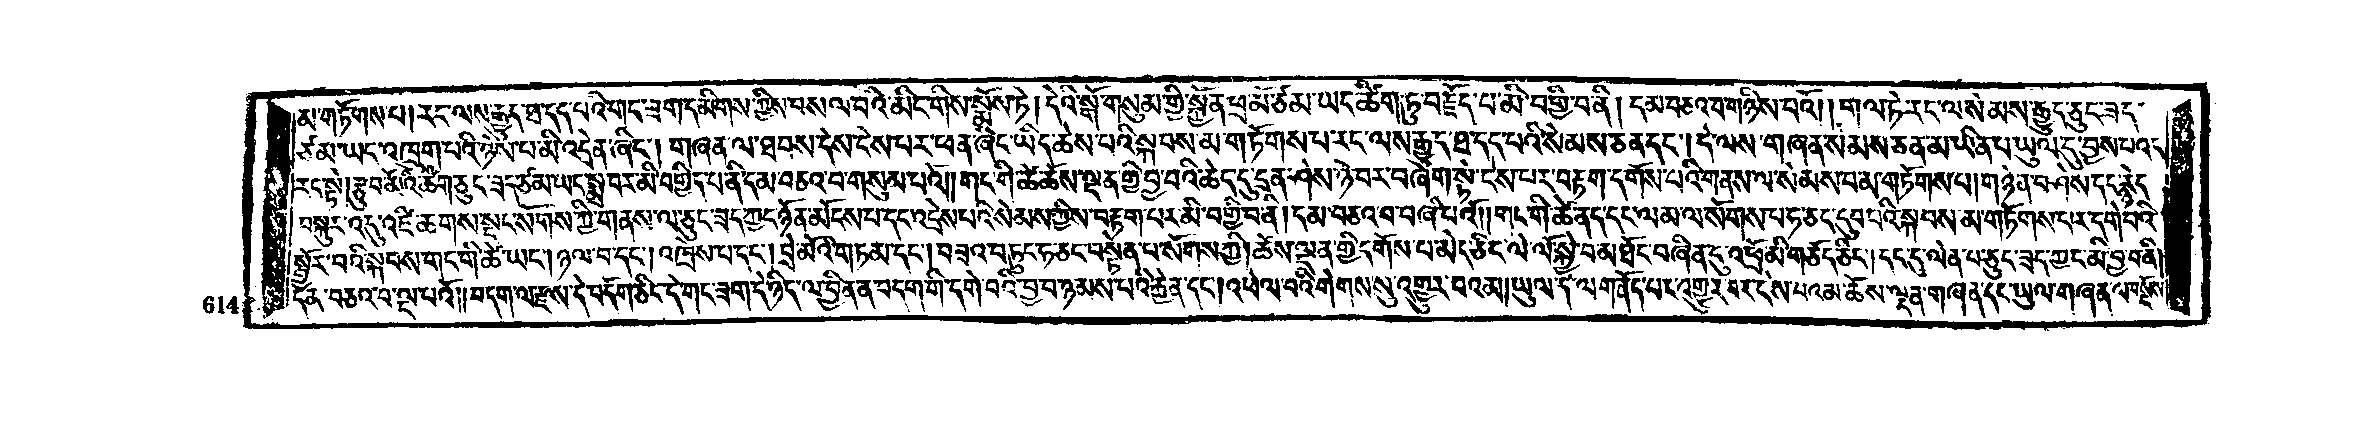མ་གཏོགས་པ། རང་ལས་རྒྱུད་ཐ་དད་པའི་གང་ཟག་དམིགས་ཀྱིས་བསལ་བའི་མིང་གིས་སྨོས་ཏེ། དེའི་སྒོ་གསུམ་གྱི་སྐྱོན་ཕྲ་མོ་ཙམ་ཡང་ཚིག་ཏུ་བརྗོད་པ་མི་བགྱི་བ་ནི། དམ་བཅའ་བ་གཉིས་པའོ། །གལ་ཏེ་རང་ལ་སེམས་རྒྱུད་ཅུང་ཟད་
ཙམ་ཡང་འཁྲུག་པའི་ཉེས་པ་མི་འདྲེན་ཞིང་། གཞན་ལ་ཐབས་དེས་ངེས་པར་ཕན་ཞིང་ཡིད་ཆེས་པའི་སྐབས་མ་གཏོགས་པ་རང་ལས་རྒྱུད་ཐ་དད་པའི་སེམས་ཅན་དང་། དེ་ལས་གཞན་སེམས་ཅན་མ་ཡིན་པ་ཡུལ་དུ་བྱས་པའང་
རང་སྟེ། རྩུབ་མོའི་ཚིག་ཅུང་ཟད་ཙམ་ཡང་སྨྲ་བར་མི་བགྱིད་པ་ནི་དམ་བཅའ་བ་གསུམ་པའོ། །གང་གི་ཚེ་ཆོས་ལྡན་གྱི་བྱ་བའི་ཆེད་དུ་དྲན་ཤེས་ཉེ་བར་བཞག་སྟེ་ངེས་པར་བརྟག་དགོས་པའི་གནས་ལ་སེམས་པ་མ་གཏོགས་པ། གཉེན་བཤེས་དང་རྙེད་
བསྐུར་འདུ་འཛི་ཆགས་སྡང་སོགས་ཀྱི་གནས་ལ་ཅུང་ཟད་ཀྱང་ཉོན་མོངས་པ་དང་འདྲེས་པའི་སེམས་ཀྱིས་བརྟག་པར་མི་བགྱི་བ་ནི། དམ་བཅའ་བ་བཞི་པའོ། །གང་གི་ཚེ་ནད་དང་ལམ་ལ་སོགས་པ་ཧ་ཅང་དུབ་པའི་སྐབས་མ་གཏོགས་པར་དགེ་བའི་
སྦྱོར་བའི་སྐབས་གང་གི་ཚེ་ཡང་། ཉལ་བ་དང་། འཁྲེས་པ་དང་། བྲེ་མོའི་གཏམ་དང་། བཟའ་བཏུང་ཧ་ཅང་བསྟེན་པ་སོགས་ཀྱི། ཆོས་ལྡན་གྱི་དགོས་པ་མེད་ཅིང་ལེ་ལོ་སྐྱེ་བ་མཐོང་བཞིན་དུ་འཕྲོ་མི་གཅོད་ཅིང་། དང་དུ་ལེན་པ་ཅུང་ཟད་ཀྱང་མི་བྱ་བ་ནི།
དམ་བཅའ་བ་ལྔ་པའོ། །བདག་ལ་རྫས་དེ་བདོག་ཅིང་དེ་གང་ཟག་དེ་ཉིད་ལ་བྱིན་ན་བདག་གི་དགེ་བའི་བྱ་བ་ཉམས་པའི་རྐྱེན་དང་། འཕེལ་བའི་གེགས་སུ་འགྱུར་བའམ། ཡུལ་དེ་ལ་གནོད་པར་འགྱུར་བར་ངེས་པའམ་ཆོས་ལྡན་གཞན་དང་ཡུལ་གཞན་ལ་བསྔོས་